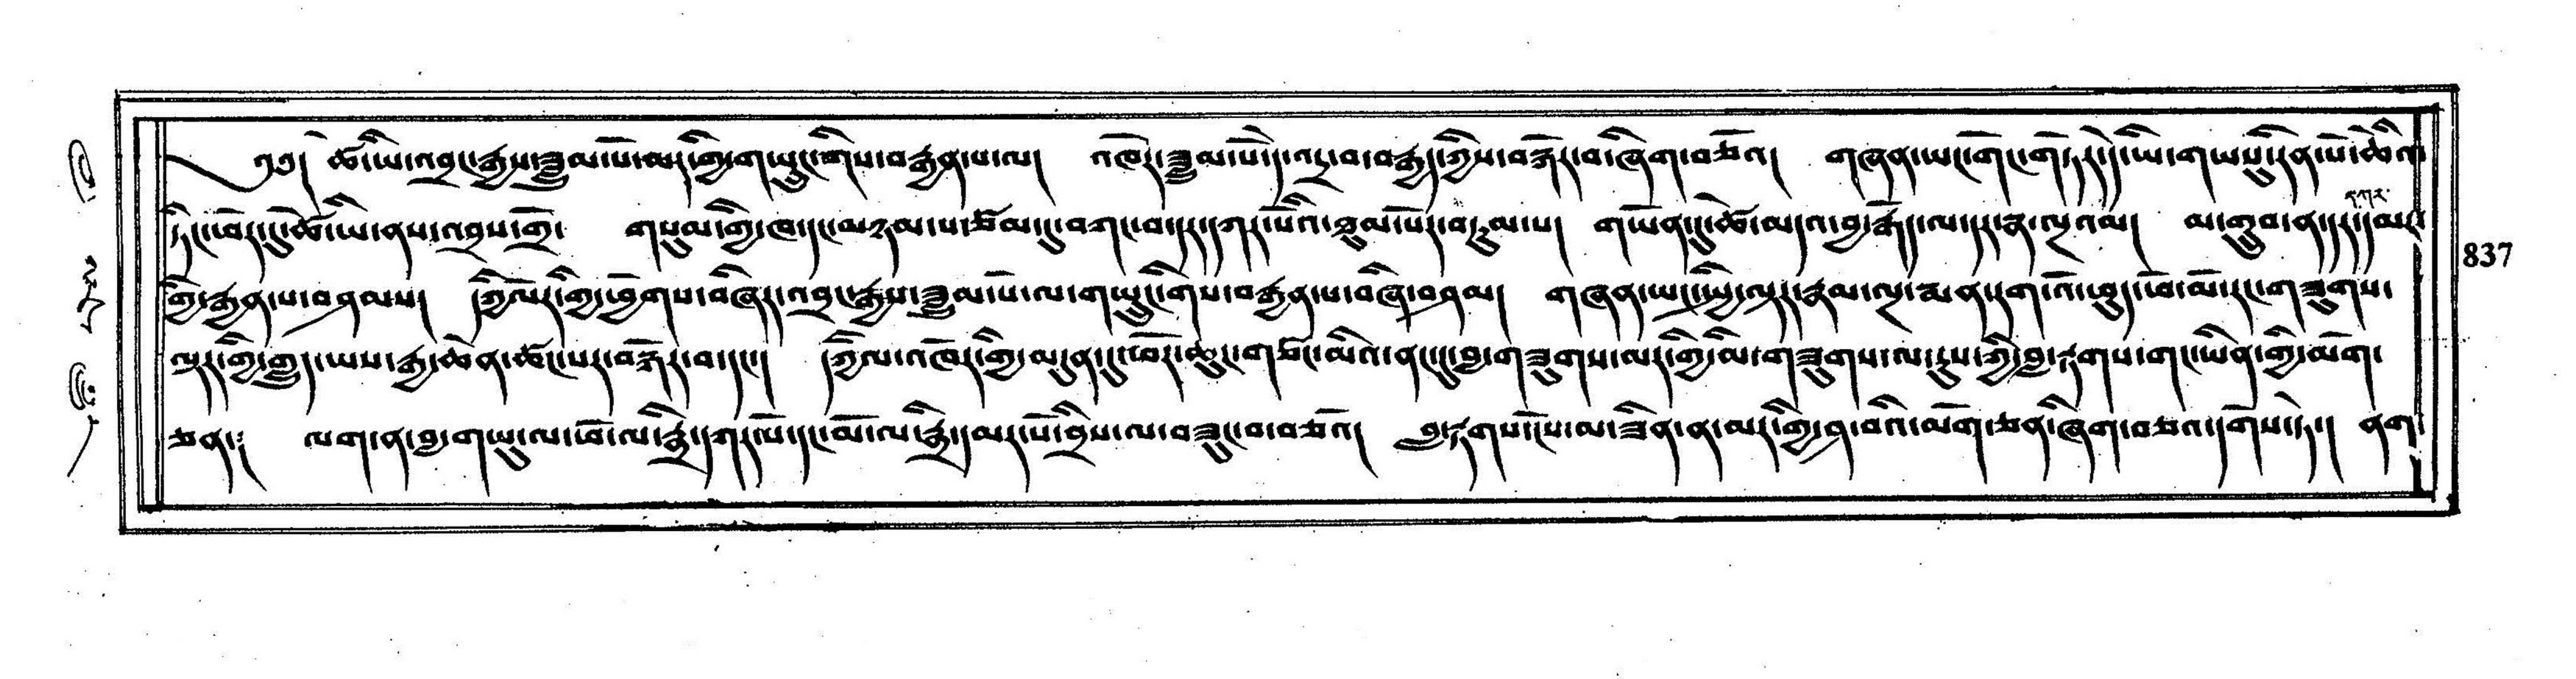ཚེ་ཡི་འབྲང་རྒྱས་ཟླུམ་པོ་མར་གྱི་གཡུང་དྲུང་གིས་བརྒྱན་པ་ལ། འཁོར་ཟླུམ་པོ་དེ་འདྲ་བ་བརྒྱད་ཀྱིས་བསྐོར་བ་ཞིག་བཅའོ། གཞན་ཡང་གོང་གཏོར་དེ་ཡི་གཡས་སུ་རིན་པོ་ཆེའི་
ཏིང་ཕོར་དུ་ཚེ་ཡི་ནས་འབྲས་གྲོ་གསུམ་གྱི་ཁ་དང་མཉམ་པ་ཙམ་དུ་བཀང་བ་དར་དཀར་པོའི་ཐུམ་པོར་བཏུམ་པ། གཡོན་དུ་ཚེ་མདའ་བྱ་རྒོད་ལ་དར་སྣ་ལྔའམ། མ་གྲུབ་ན་དར་དཀར་དམར་
གྱི་རྒྱན་པ་བཤམས། དཀྱིལ་འཁོར་གྱི་ཕྱོགས་བཞིར་འབྲང་རྒྱས་ཟླུམ་པོ་ལ་གཡུང་དྲུང་གིས་བརྒྱན་པ་བཞི་བཤམ། གཞན་ཡང་སྤྱི་ལྟར་རྣམ་ལྔ་སྨན་རག་འོ་ཕུད་ཕོ་མོ་རང་གཟུགས་
ལྟར་གྱི་གླུད་ཡས་རྒྱ་ཆེན་ཚང་པར་བསྐོར་བ་དང་། དཀྱིལ་འཁོར་གྱི་མདུན་དུ་ཕོར་ཆུང་གཙང་མའི་ནང་དུ་བླ་གཟུགས་མར་གྱི་མི་གཟུགས་ལ་རུས་ཀྱི་བླ་རྟགས་གང་ཡིན་གི་མགོ་
ཅན། ལག་ན་བླ་གཡུ་ལ་ཕོ་ལ་རྣྲི་དཀར་པོ་དང་མོ་ལ་རྣྲི་དམར་པོ་བྲིས་ལ་བཟུང་བ་བཅའོ། བླ་རྟགས་ངོས་མ་ཟིན་ན་མར་གྱི་ཤ་བའི་མགོ་ཅན་ཞིག་བཅའ་དགོས་ཏེ། ནག་